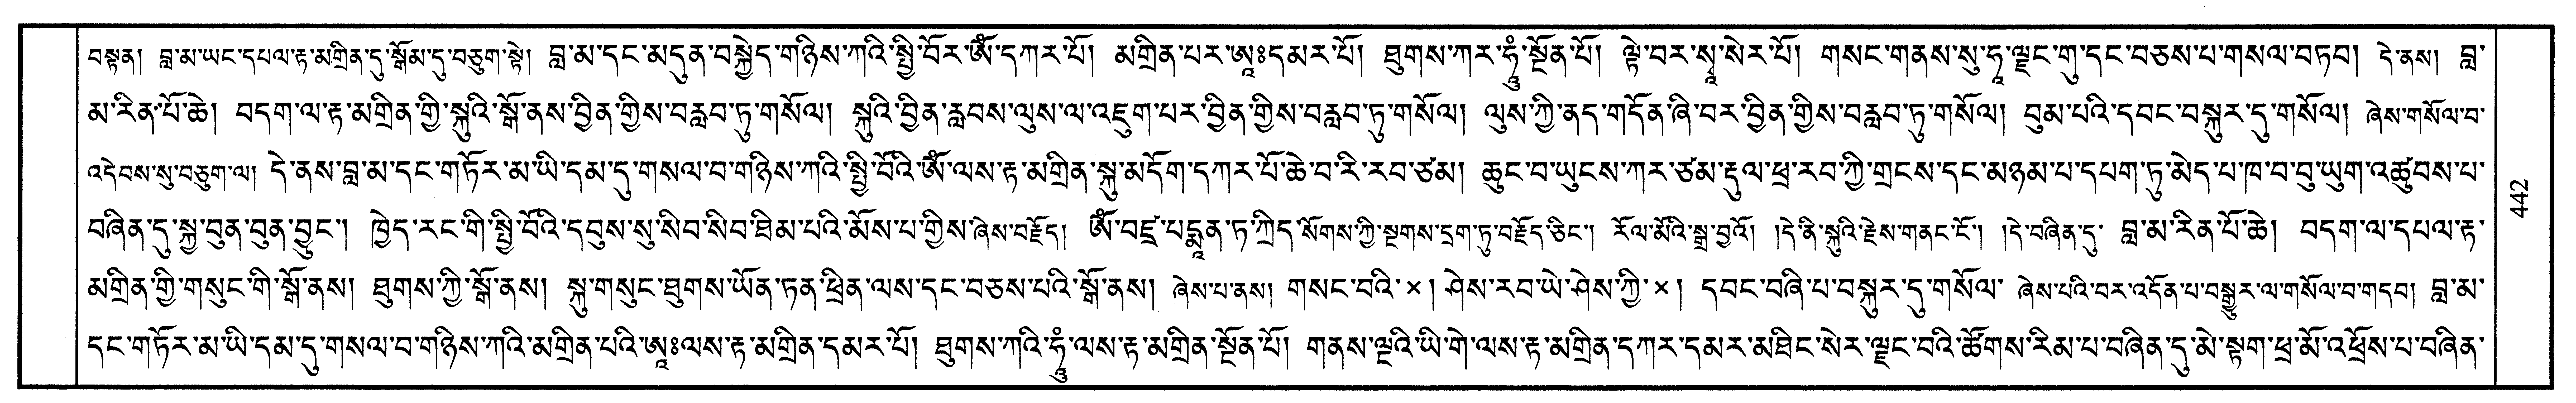བསྟན། བླ་མ་ཡང་དཔལ་རྟ་མགྲིན་དུ་སྒོམ་དུ་བཅུག་སྟེ། བླ་མ་དང་མདུན་བསྐྱེད་གཉིས་ཀའི་སྤྱི་བོར་ཨོཾ་དཀར་པོ། མགྲིན་པར་ཨཱཿ དམར་པོ། ཐུགས་ཀར་ཧཱུཾ་སྔོན་པོ། ལྟེ་བར་སྭཱ་སེར་པོ། གསང་གནས་སུ་ཧཱ་ལྗང་གུ་དང་བཅས་པ་གསལ་བཏབ། དེ་ནས། བླ་
མ་རིན་པོ་ཆེ། བདག་ལ་རྟ་མགྲིན་གྱི་སྐུའི་སྒོ་ནས་བྱིན་གྱིས་བརླབ་ཏུ་གསོལ། སྐུའི་བྱིན་རླབས་ལུས་ལ་འཇུག་པར་བྱིན་གྱིས་བརླབ་ཏུ་གསོལ། ལུས་ཀྱི་ནད་གདོན་ཞི་བར་བྱིན་གྱིས་བརླབ་ཏུ་གསོལ། བུམ་པའི་དབང་བསྐུར་དུ་གསོལ། ཞེས་གསོལ་བ་
འདེབས་སུ་བཅུག་ལ། དེ་ནས་བླ་མ་དང་གཏོར་མ་ཡི་དམ་དུ་གསལ་བ་གཉིས་ཀའི་སྤྱི་བོའི་ཨོཾ་ལས་རྟ་མགྲིན་སྐུ་མདོག་དཀར་པོ་ཆེ་བ་རི་རབ་ཙམ། ཆུང་བ་ཡུངས་ཀར་ཙམ་རྡུལ་ཕྲ་རབ་ཀྱི་གྲངས་དང་མཉམ་པ་དཔག་ཏུ་མེད་པ་ཁ་བ་བུ་ཡུག་འཚུབས་པ་
བཞིན་དུ་སྐྱ་བུན་བུན་བྱུང་། ཁྱེད་རང་གི་སྤྱི་བོའི་དབུས་སུ་སིབ་སིབ་ཐིམ་པའི་མོས་པ་གྱིས་ཞེས་བརྗོད། ཨོཾ་བཛྲ་པདམཱན་ཏ་ཀྲིད་སོགས་ཀྱི་སྔགས་དྲག་ཏུ་བརྗོད་ཅིང་། རོལ་མོའི་སྒྲ་བྱའོ། །དེ་ནི་སྐུའི་རྗེས་གནང་ངོ། །དེ་བཞིན་དུ་བླ་མ་རིན་པོ་ཆེ། བདག་ལ་དཔལ་རྟ་
མགྲིན་གྱི་གསུང་གི་སྒོ་ནས། ཐུགས་ཀྱི་སྒོ་ནས། སྐུ་གསུང་ཐུགས་ཡོན་ཏན་ཕྲིན་ལས་དང་བཅས་པའི་སྒོ་ནས། ཞེས་པ་ནས། གསང་བའི་྾། ཤེས་རབ་ཡེ་ཤེས་ཀྱི་྾། དབང་བཞི་པ་བསྐུར་དུ་གསོལ་ཞེས་པའི་བར་འདོན་པ་བསྒྱུར་ལ་གསོལ་བ་གདབ། བླ་མ་
དང་གཏོར་མ་ཡི་དམ་དུ་གསལ་བ་གཉིས་ཀའི་མགྲིན་པའི་ཨཱཿ ལས་རྟ་མགྲིན་དམར་པོ། ཐུགས་ཀའི་ཧཱུཾ་ལས་རྟ་མགྲིན་སྔོན་པོ། གནས་ལྔའི་ཡི་གེ་ལས་རྟ་མགྲིན་དཀར་དམར་མཐིང་སེར་ལྗང་བའི་ཚོགས་རིམ་པ་བཞིན་དུ་མེ་སྟག་ཕྲ་མོ་འཕྲོས་པ་བཞིན་